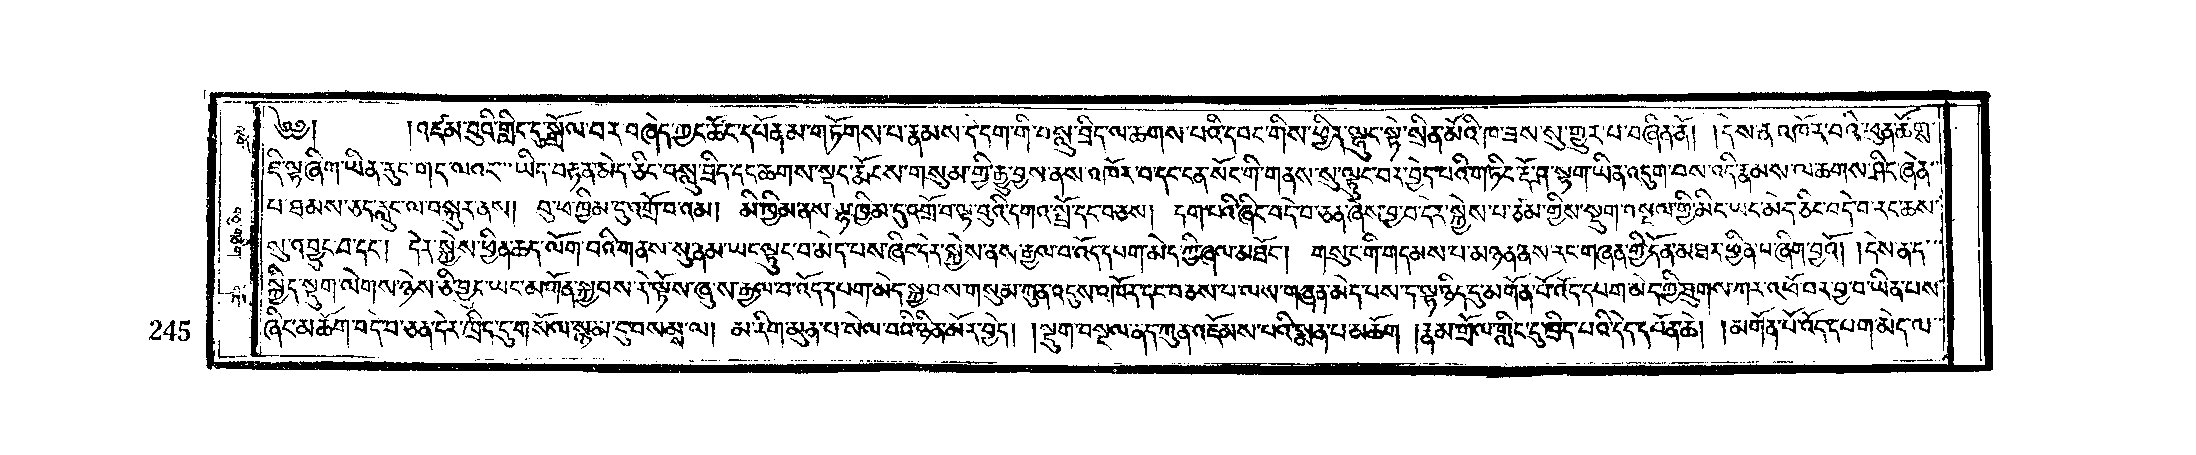༄༅། །འཛམ་བུའི་གླིང་དུ་སྒྲོལ་བར་བཞེད་ཀྱང་ཚོང་དཔོན་མ་གཏོགས་པ་རྣམས་དེ་དག་གི་བསླུ་བྲིད་ལ་ཆགས་པའི་དབང་གིས་ཕྱིར་ལྷུང་སྟེ་སྲིན་མོའི་ཁ་ཟས་སུ་གྱུར་པ་བཞིན་ནོ། །དེས་ནས་འཁོར་བའི་ཕུན་ཚོགས་
ཇི་ལྟ་ཞིག་ཡིན་རུང་གད་ལའང་ཡིད་བརྟན་མེད་ཅིང་བསླུ་བྲིད་དང་ཆགས་སྡང་རྨོངས་གསུམ་གྱི་རྒྱུ་བྱས་ནས་འཁོར་བ་དང་ངན་སོང་གི་གནས་སུ་ལྟུང་བར་བྱེད་པའི་གཏིང་རྡོ་ཤ་སྟག་ཡིན་འདུག་བས་འདི་རྣམས་ལ་ཆགས་ཤིང་ཞེན་
པ་ཐམས་ཅད་རླུང་ལ་བསྐུར་ནས། བུ་ཕ་ཁྱིམ་དུ་འགྲོ་བ་འམ། མི་ཁྱིམ་ནས་ལྷ་ཁྱིམ་དུ་འགྲོ་བ་ལྟ་བུའི་དགའ་སྤྲོ་དང་བཅས། དག་པའི་ཞིང་བདེ་བ་ཅན་ཞེས་བྱ་བ་དེར་སྐྱེས་པ་ཙམ་གྱིས་སྡུག་བསྔལ་གྱི་མིང་ཡང་མེད་ཅིང་བདེ་བ་རང་ཆས་
སུ་འབྱུང་བ་དང་། དེར་སྐྱེས་ཕྱིན་ཆད་ལོག་པའི་གནས་སུ་ནམ་ཡང་ལྟུང་བ་མེད་པས་ཞིང་དེར་སྐྱེས་ནས་རྒྱལ་བ་འོད་དཔག་མེད་ཀྱི་ཞལ་མཐོང་། གསུང་གི་གདམས་པ་མཉན་ནས་རང་གཞན་གྱི་དོན་མཐར་ཕྱིན་པ་ཞིག་བྱའོ། །དེས་ནད་
སྐྱིད་སྡུག་ལེགས་ཉེས་ཅི་བྱུང་ཡང་མགོན་སྐྱབས་རེ་ལྟོས་ཞུ་ས་རྒྱལ་བ་འོད་དཔག་མེད་སྐྱབས་གསུམ་ཀུན་འདུས་འཁོར་དང་བཅས་པ་ལས་གཞན་མེད་པས་ད་ལྟ་ཉིད་དུ་མགོན་པོ་འོད་དཔག་མེད་ཀྱི་ཐུགས་ཀར་འཕོ་བར་བྱ་བ་ཡིན་པས་
ཞིང་མཆོག་བདེ་བ་ཅན་དེར་ཁྲིད་དུ་གསོལ་སྙམ་དུ་བསམས་ལ། མ་རིག་མུན་པ་སེལ་བའི་ཉིན་མོར་བྱེད། །སྡུག་བསྔལ་ནད་ཀུན་འཇོམས་པའི་སྨན་པ་མཆོག །རྣམ་གྲོལ་གླིང་དུ་ཁྲིད་པའི་དེད་དཔོན་ཆེ། །མགོན་པོ་འོད་དཔག་མེད་ལ་